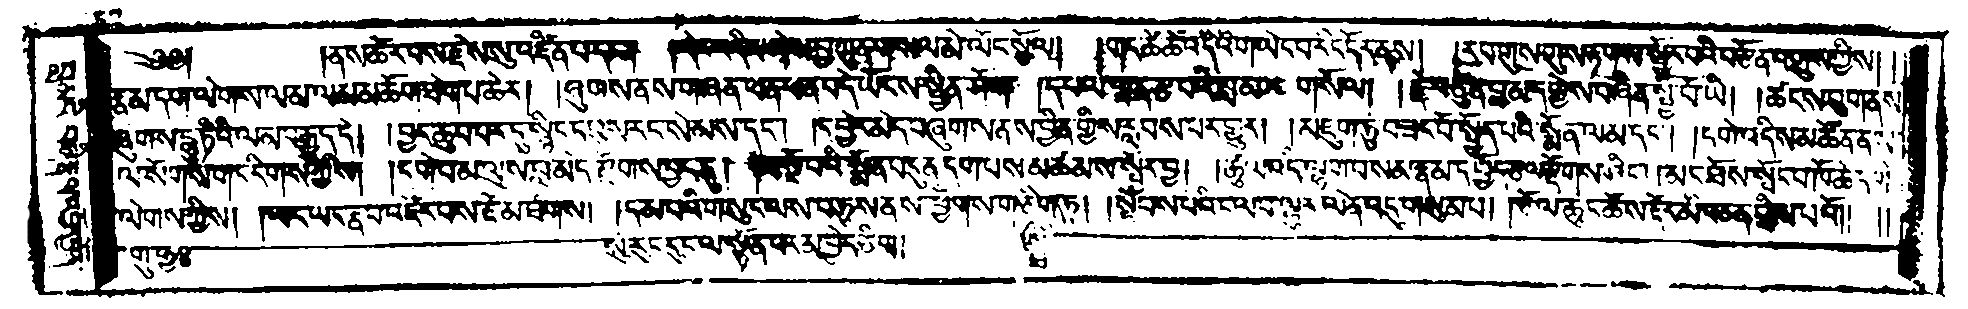༄༅། །ནས་ཚེར་བས་རྗེས་སུ་འཛིན་པ་དང་། །དེང་འདིར་ཤེས་བྱ་ཀུན་གསལ་མེ་ལོང་སྩོལ། །གང་ཚེ་ཚེ་འདིའི་གཡེང་བ་རིང་དོར་ནས། །རབ་གུས་གུས་རྟགས་སྦྱོར་བའི་བརྩོན་འགྲུས་ཀྱིས། །
རྣམ་དག་ལེགས་ལམ་ལམ་མཆོག་ཐེག་པ་ཆེར། །ཞུགས་ནས་གཞན་ཕན་ཕན་བདེ་ཡོངས་སྦྱིན་ཤོག །དཔལ་ལྡན་རྩ་བའི་བླ་མ་྾་གསོལ། །རྗེ་བཙུན་བླ་མ་དགྱེས་བཞིན་སྤྱི་བོ་ཡི། །ཚངས་བུ་གནས་
ཞུགས་དྷུ་ཏིའི་ལམ་བརྒྱུད་དེ། །བྱང་ཆུབ་བར་དུ་སྙིང་དབུས་རང་སེམས་དང་། །དབྱེར་མེད་བཞུགས་ནས་བྱིན་གྱིས་རླབས་པར་གྱུར། །མཇུག་ཏུ་བཟང་པོ་སྤྱོད་པའི་སྨོན་ལམ་དང་། །དགེ་འདིས་མཚོན་ནས་
ལ་སོགས་གང་རིགས་ཀྱིས། །དགེ་བ་མ་ལུས་བླ་མེད་རྫོགས་བྱང་དུ། །བསྔོ་བའི་སྨོན་བདུན་དག་པས་མཚམས་སྦྱོར་བྱ། །ཚུལ་འདི་ལྷག་བསམ་རྣམ་དཔྱོད་རྩལ་རྫོགས་ཤིང་། །མང་ཐོས་སྤོང་བ་ཁོ་ཚེ་དགེ་
ལེགས་ཀྱིས། །ཡང་ཡང་རྣ་བ་འཛེར་བས་རྡོ་མ་ཐོགས། །དམ་པའི་གསུང་ལས་བཏུས་ནས་ཕྱོགས་གཅིག་ཏུ། །སྡེབས་པའི་ང་ལབ་ལྷུར་ལེན་འདུ་གསུམ་པ། །ཅོལ་ཆུང་ཆོས་རྡོར་མིང་ཅན་བྲིས་པའོ།། །།
གུ་ཧྱཿ སུ་རུང་རུང་ལ་སྟོན་པར་མ་བྱེད་ཅིག །ཨཐྀཨྀ་